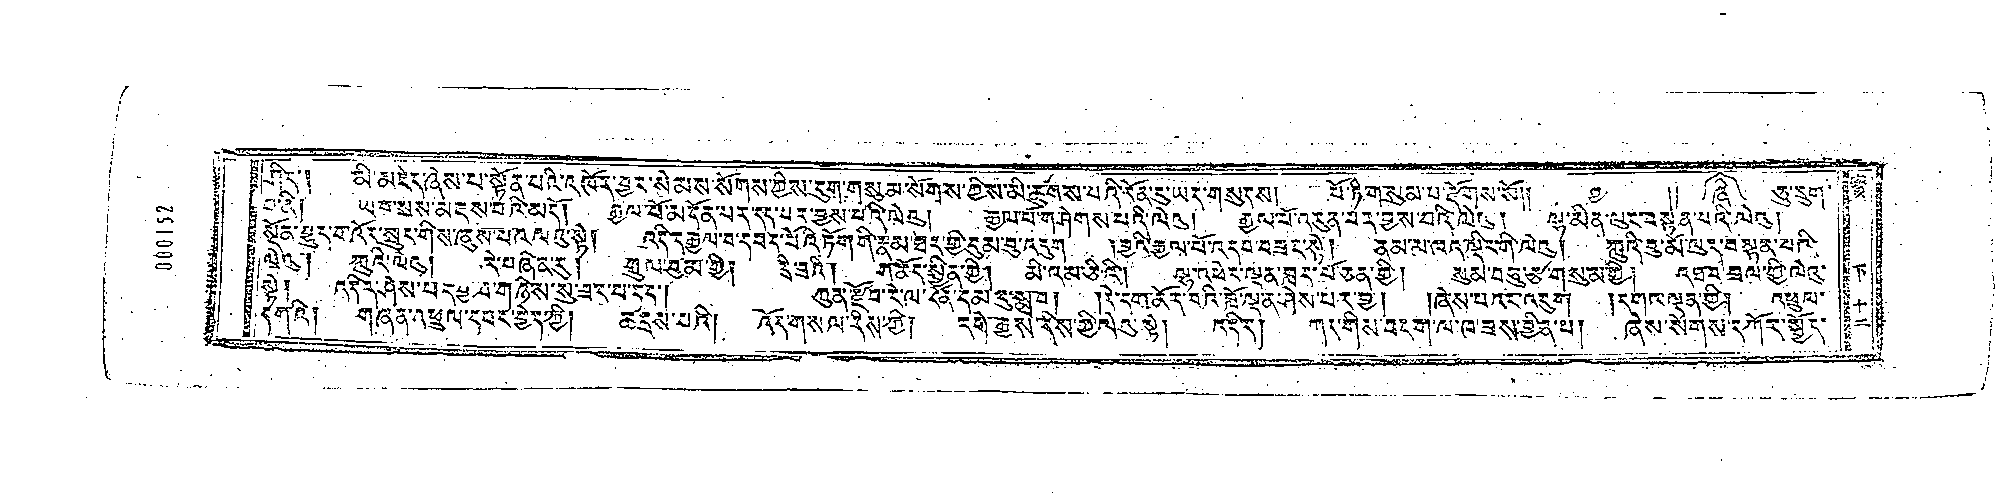ཤིང་། མི་མཇེད་ཞེས་པ་སྟོན་པའི་འཁོར་བྱང་སེམས་སོགས་ཀྱིས་དུག་གསུམ་སོགས་ཀྱིས་མི་ཚུགས་པའི་དོན་དུ་ཡང་གསུངས། པོ་ཏི་གསུམ་པ་རྫོགས་སོ།། ༧་།། ཞ྄ི་ཅུ་དྲུག་
པ་ནི། ཡབ་སྲས་མཇས་བའི་མདོ། རྒྱལ་པོ་མངོན་པར་དད་པར་བྱས་པའི་ལེའུ། རྒྱལ་པོ་གཤེགས་པའི་ལེའུ། རྒྱལ་པོ་འདུན་པར་བྱས་བའི་ལེའུ། ལྷ་མིན་ལུང་བསྟན་པའི་ལེའུ།
སྔོན་བྱུང་བ་འོང་སྲུང་གིས་ཞུས་པའི་ལེའུ་སྟེ། འདིར་རྒྱལ་བ་དབང་པོའི་ཏོག་གི་རྣམ་ཐར་གྱི་དུམ་བུ་འདུག །བྱའི་རྒྱལ་པོ་འདབ་བཟང་སྟེ། ནམ་མཁའ་ལྡིང་གི་ལེའུ། ཀླུའི་བུ་མོ་ལུད་བསྟན་པའི་
ལེའུ། ཀླུའི་ལེའུ། དེ་བཞིན་དུ། གྲུལ་བུམ་གྱི། དྲི་ཟའི། གནོད་སྤྱིན་གྱི། མི་འམ་ཅིའི། ལྷ་འཕེང་ལྡན་གླང་པོ་ཅན་གྱི། སུམ་བཅུ་རྩ་གསུམ་གྱི། འཐབ་བྲལ་གྱི་ལེའུ་
སྟེ། འདིར་ཤེས་པར་བྱ་བ་གཉིས་སུ་ཟང་པ་དང་། ཀུན་རྫོབ་དེ་ལ་དོན་དམ་དུ་སྨྲ་བ། །དེ་དག་ནོར་བའི་བློ་ལྡན་ཤེས་པར་བྱ། །ཞེས་པའང་འདུག །དགའ་ལྡན་གྱི། འཕྲུལ་
དགའི། གཞན་འཕྲུལ་དབང་བྱེད་ཀྱི། ཚ་དྲས་པའི། འོད་གསལ་རིས་ཀྱི། དགེ་རྒྱས་རིས་ཀྱི་ལེའུ་སྟེ། འདིར། གང་གིས་བདག་ལ་ཁ་ཟས་བྱིན་པ། ཞེས་སོགས་དཀོར་སྦྱོད་